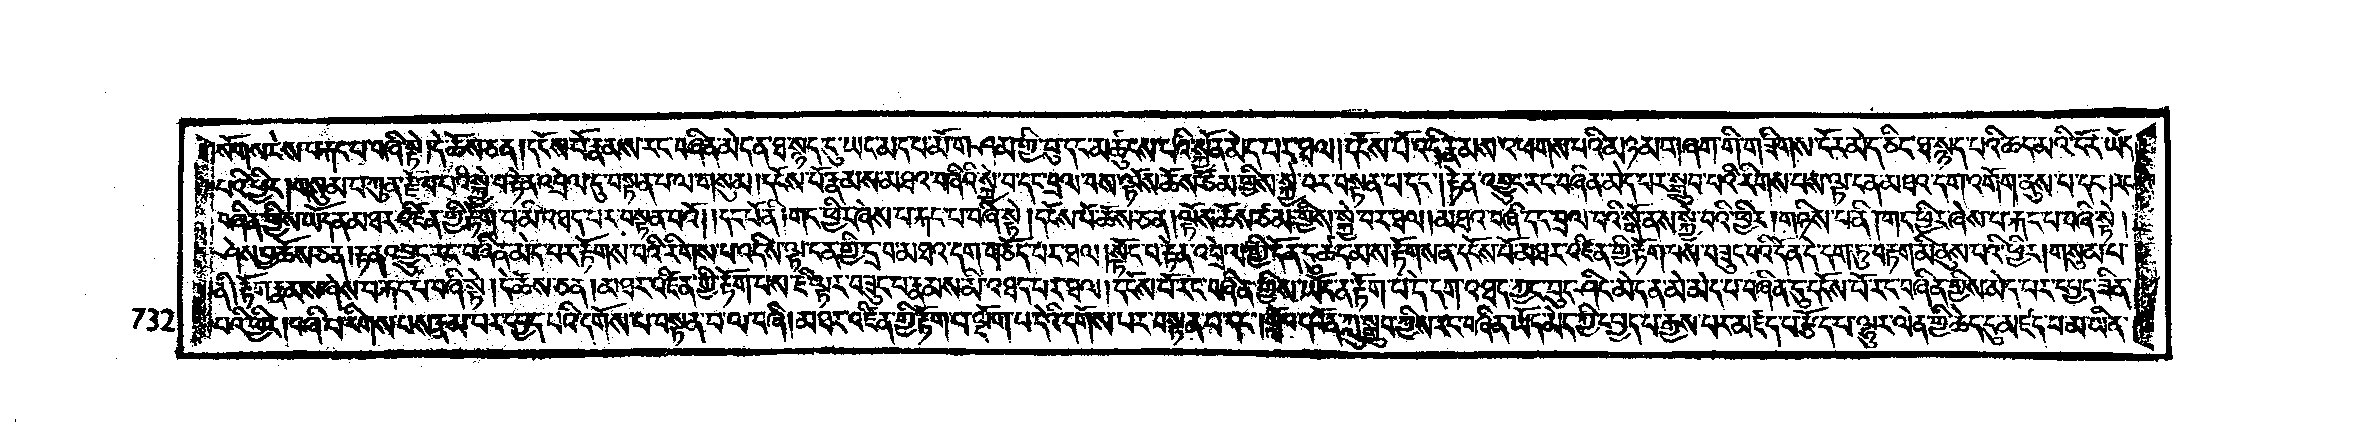སོགས་ངེས་པ་རྐང་པ་བཞི་སྟེ། དེ་ཆོས་ཅན། དངོས་པོ་རྣམས་རང་བཞིན་མེད་ན་ཐ་སྙད་དུ་ཡང་མེད་པ་མོ་གཤམ་གྱི་བུ་དང་མཚུངས་པའི་སྐྱོན་མེད་པར་ཐལ། དངོས་པོ་འདི་རྣམས་འཕགས་པའི་མཉམ་གཞག་གི་གཟིགས་ངོར་མེད་ཅིང་ཐ་སྙད་པའི་ཚད་མའི་ངོར་ཡོད་
པའི་ཕྱིར། གསུམ་པ་ཀུན་རྫོབ་པའི་སྐྱེ་བ་རྟེན་འབྲེལ་དུ་བསྟན་པ་ལ་གསུམ། དངོས་པོ་རྣམས་མཐའ་བཞིའི་སྐྱེ་བ་དང་བྲལ་བས་ལྟོས་ཆོས་ཙམ་གྱིས་སྐྱེ་བར་བསྟན་པ་དང་། རྟེན་འབྱུང་རང་བཞིན་མེད་པར་སྒྲུབ་པའི་རིགས་པས་ལྟ་ངན་མཐའ་དག་འགོག་ནུས་པ་དང་། རང་
བཞིན་གྱིས་ཡོད་ན་མཐར་འཛིན་གྱི་རྟོག་པ་མི་འཐད་པར་བསྟན་པའོ། །དང་པོ་ནི། གང་ཕྱིར་ཞེས་པ་རྐང་པ་བཞི་སྟེ། དངོས་པོ་ཆོས་ཅན། ལྟོས་ཆོས་ཙམ་གྱིས་སྐྱེ་བར་ཐལ། མཐའ་བཞི་དང་བྲལ་བའི་སྒོ་ནས་སྐྱེ་བའི་ཕྱིར། གཉིས་པ་ནི། གང་ཕྱིར་ཞེས་པ་རྐང་པ་བཞི་སྟེ།
ཤེས་བྱ་ཆོས་ཅན། རྟན་འབྱུང་རང་བཞིན་མེད་པར་རྟོགས་པའི་རིགས་པ་འདིས་ལྟ་ངན་གྱི་དྲ་བ་མཐའ་དག་གཅོད་པར་ཐལ། སྟོང་པ་རྟེན་འབྲེལ་གྱི་དོན་དུ་ཚད་མས་རྟོགས་ན་དངོས་པོ་མཐར་འཛིན་གྱི་རྟོག་པས་བཟུང་བའི་དོན་དེ་དག་ཏུ་བརྟག་མི་ནུས་པའི་ཕྱིར། གསུམ་པ་
ནི༑ རྟོག་རྣམས་ཞེས་པ་རྐང་པ་བཞི་སྟེ། དེ་ཆོས་ཅན། མཐར་འཛིན་གྱི་རྟོག་པས་ཇི་ལྟར་བཟུང་བ་རྣམས་མི་འཐད་པར་ཐལ། དངོས་པོ་རང་བཞིན་གྱིས་ཡོད་ན་རྟོག་པ་དེ་དག་འཐད་ཀྱང་བུད་ཤིང་མེད་ན་མེ་མེད་པ་བཞིན་དུ་དངོས་པོ་རང་བཞིན་གྱིས་མེད་པར་དཔྱད་ཟིན་
པའི་ཕྱིར། བཞི་པ་རིགས་པས་རྣམ་པར་དཔྱད་པའི་དགོས་པ་བསྟན་པ་ལ་བཞི། མཐར་འཛིན་གྱི་རྟོག་པ་ལྡོག་པ་དེའི་དགོས་པར་བསྟན་པ་དང་། སློབ་དཔོན་ཀླུ་སྒྲུབ་ཀྱིས་རང་བཞིན་ཡོད་མེད་ཀྱི་དཔྱད་པ་རྒྱས་པར་མཛད་པ་རྩོད་པ་ལྷུར་ལེན་གྱི་ཆེད་དུ་མཛད་པ་མ་ཡིན་